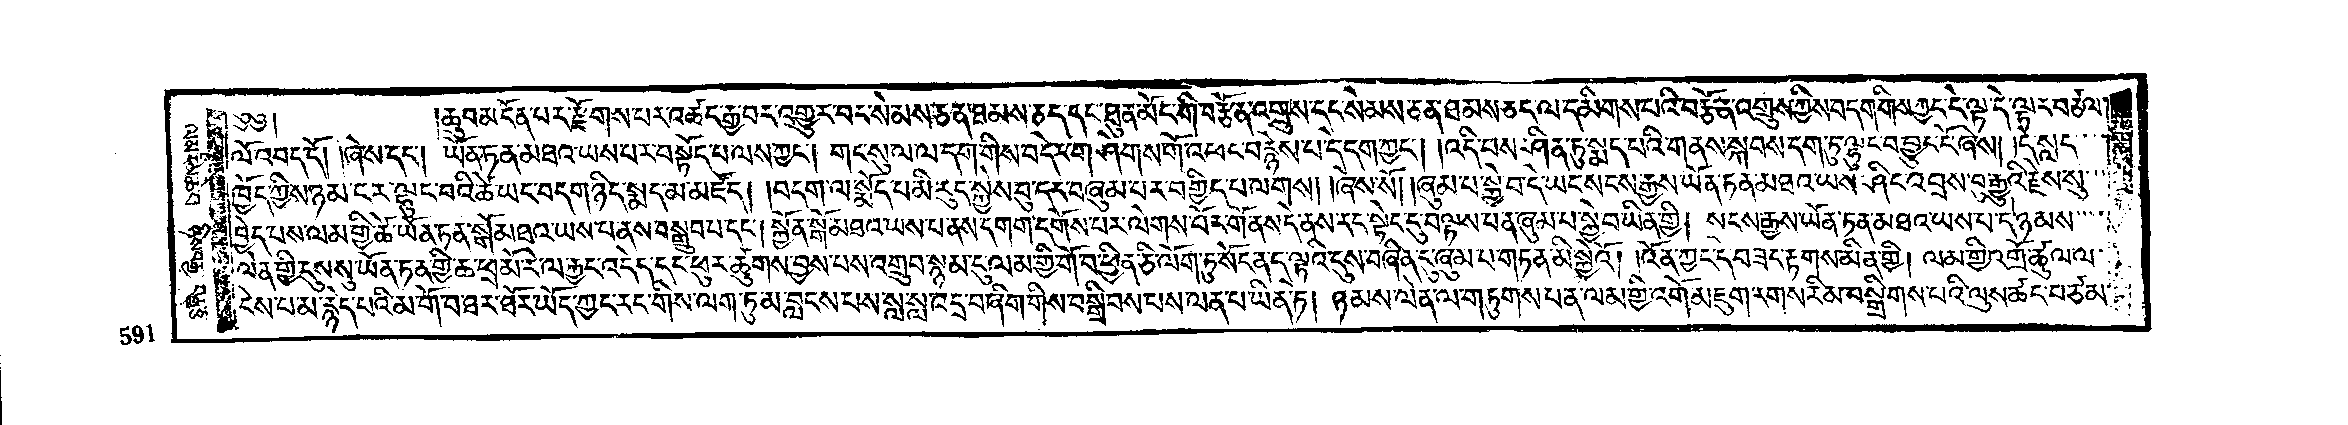༄༅། །ཆུབ་མངོན་པར་རྫོགས་པར་འཚང་རྒྱ་བར་འགྱུར་བར་སེམས་ཅན་ཐམས་ཅད་དང་ཐུན་མོང་གི་བརྩོན་འགྲུས་དང་སེམས་ཅན་ཐམས་ཅད་ལ་དམིགས་པའི་བརྩོན་འགྲུས་ཀྱིས་བདག་གིས་ཀྱང་དེ་ལྟ་དེ་ལྟར་བཙལ་
ལོ་འབད་དོ། །ཞེས་དང་། ཡོན་ཏན་མཐའ་ཡས་པར་བསྟོད་པ་ལས་ཀྱང་། གང་སུ་ལ་ལ་དག་གིས་བདེར་གཤེགས་གོ་འཕང་བརྙེས་པ་དེ་དག་ཀྱང་། །འདི་བས་ཤིན་ཏུ་སྨད་པའི་གནས་སྐབས་དག་ཏུ་ལྷུང་བ་བྱུང་ངོ་ཞེས། །དེ་སླད་
ཁྱོད་ཀྱིས་ཉམ་ངར་ལྷུང་བའི་ཚེ་ཡང་བདག་ཉིད་སྨད་མ་མཛད། །བདག་ལ་སྨོད་པ་མི་རུང་སྐྱེས་བུ་དར་བཞུམ་པར་བགྱིད་པ་ལགས། །ཞེས་སོ། །ཞུམ་པ་སྐྱེ་བ་དེ་ཡང་སངས་རྒྱས་ཡོན་ཏན་མཐའ་ཡས་ཤིང་འབྲས་བུ་རྒྱུའི་རྗེས་སུ་
བྱེད་པས་ལམ་གྱི་ཚེ་ཡོན་ཏན་སྒོ་མཐའ་ཡས་པ་ནས་བསྒྲུབ་པ་དང་། སྐྱོན་སྒོ་མཐའ་ཡས་པ་ནས་དགག་དགོས་པར་ལེགས་པོར་གོ་ནས་དེ་ནས་རང་སྟེང་དུ་བལྟས་པ་ན་ཞུམ་པ་སྐྱེ་བ་ཡིན་གྱི། སངས་རྒྱས་ཡོན་ཏན་མཐའ་ཡས་པ་དེ་ཉམས་
ལེན་གྱི་དུས་སུ་ཡོན་ཏན་གྱི་ཆ་ཕྲ་མོ་རེ་ལ་རྐྱང་འདེད་དང་ཕུར་ཚུགས་བྱས་པས་འགྲུབ་སྙམ་དུ་ལམ་གྱི་གོ་བ་ཕྱིན་ཅི་ལོག་ཏུ་སོང་ན་ད་ལྟའི་དུས་བཞིན་དུ་ཞུམ་པ་གཏན་མི་སྐྱེའོ། །འོན་ཀྱང་དེ་བཟང་རྟགས་མིན་གྱི། ལམ་གྱི་འགྲོ་ཚུལ་ལ་
ངེས་པ་མ་རྙེད་པའམ་གོ་བ་ཐར་ཐོར་ཡོད་ཀྱང་རང་གིས་ལག་ཏུ་མ་བླངས་པས་སླ་སླ་འདྲ་བ་ཞིག་གིས་བསྒྲིབས་པས་ལན་པ་ཡིན་ཏེ། ཉམས་ལེན་ལ་གཏུགས་པ་ན་ལམ་གྱི་འགོ་མཇུག་རང་རིམ་བསྒྲིགས་པའི་ལུས་ཚང་བ་ཙམ་